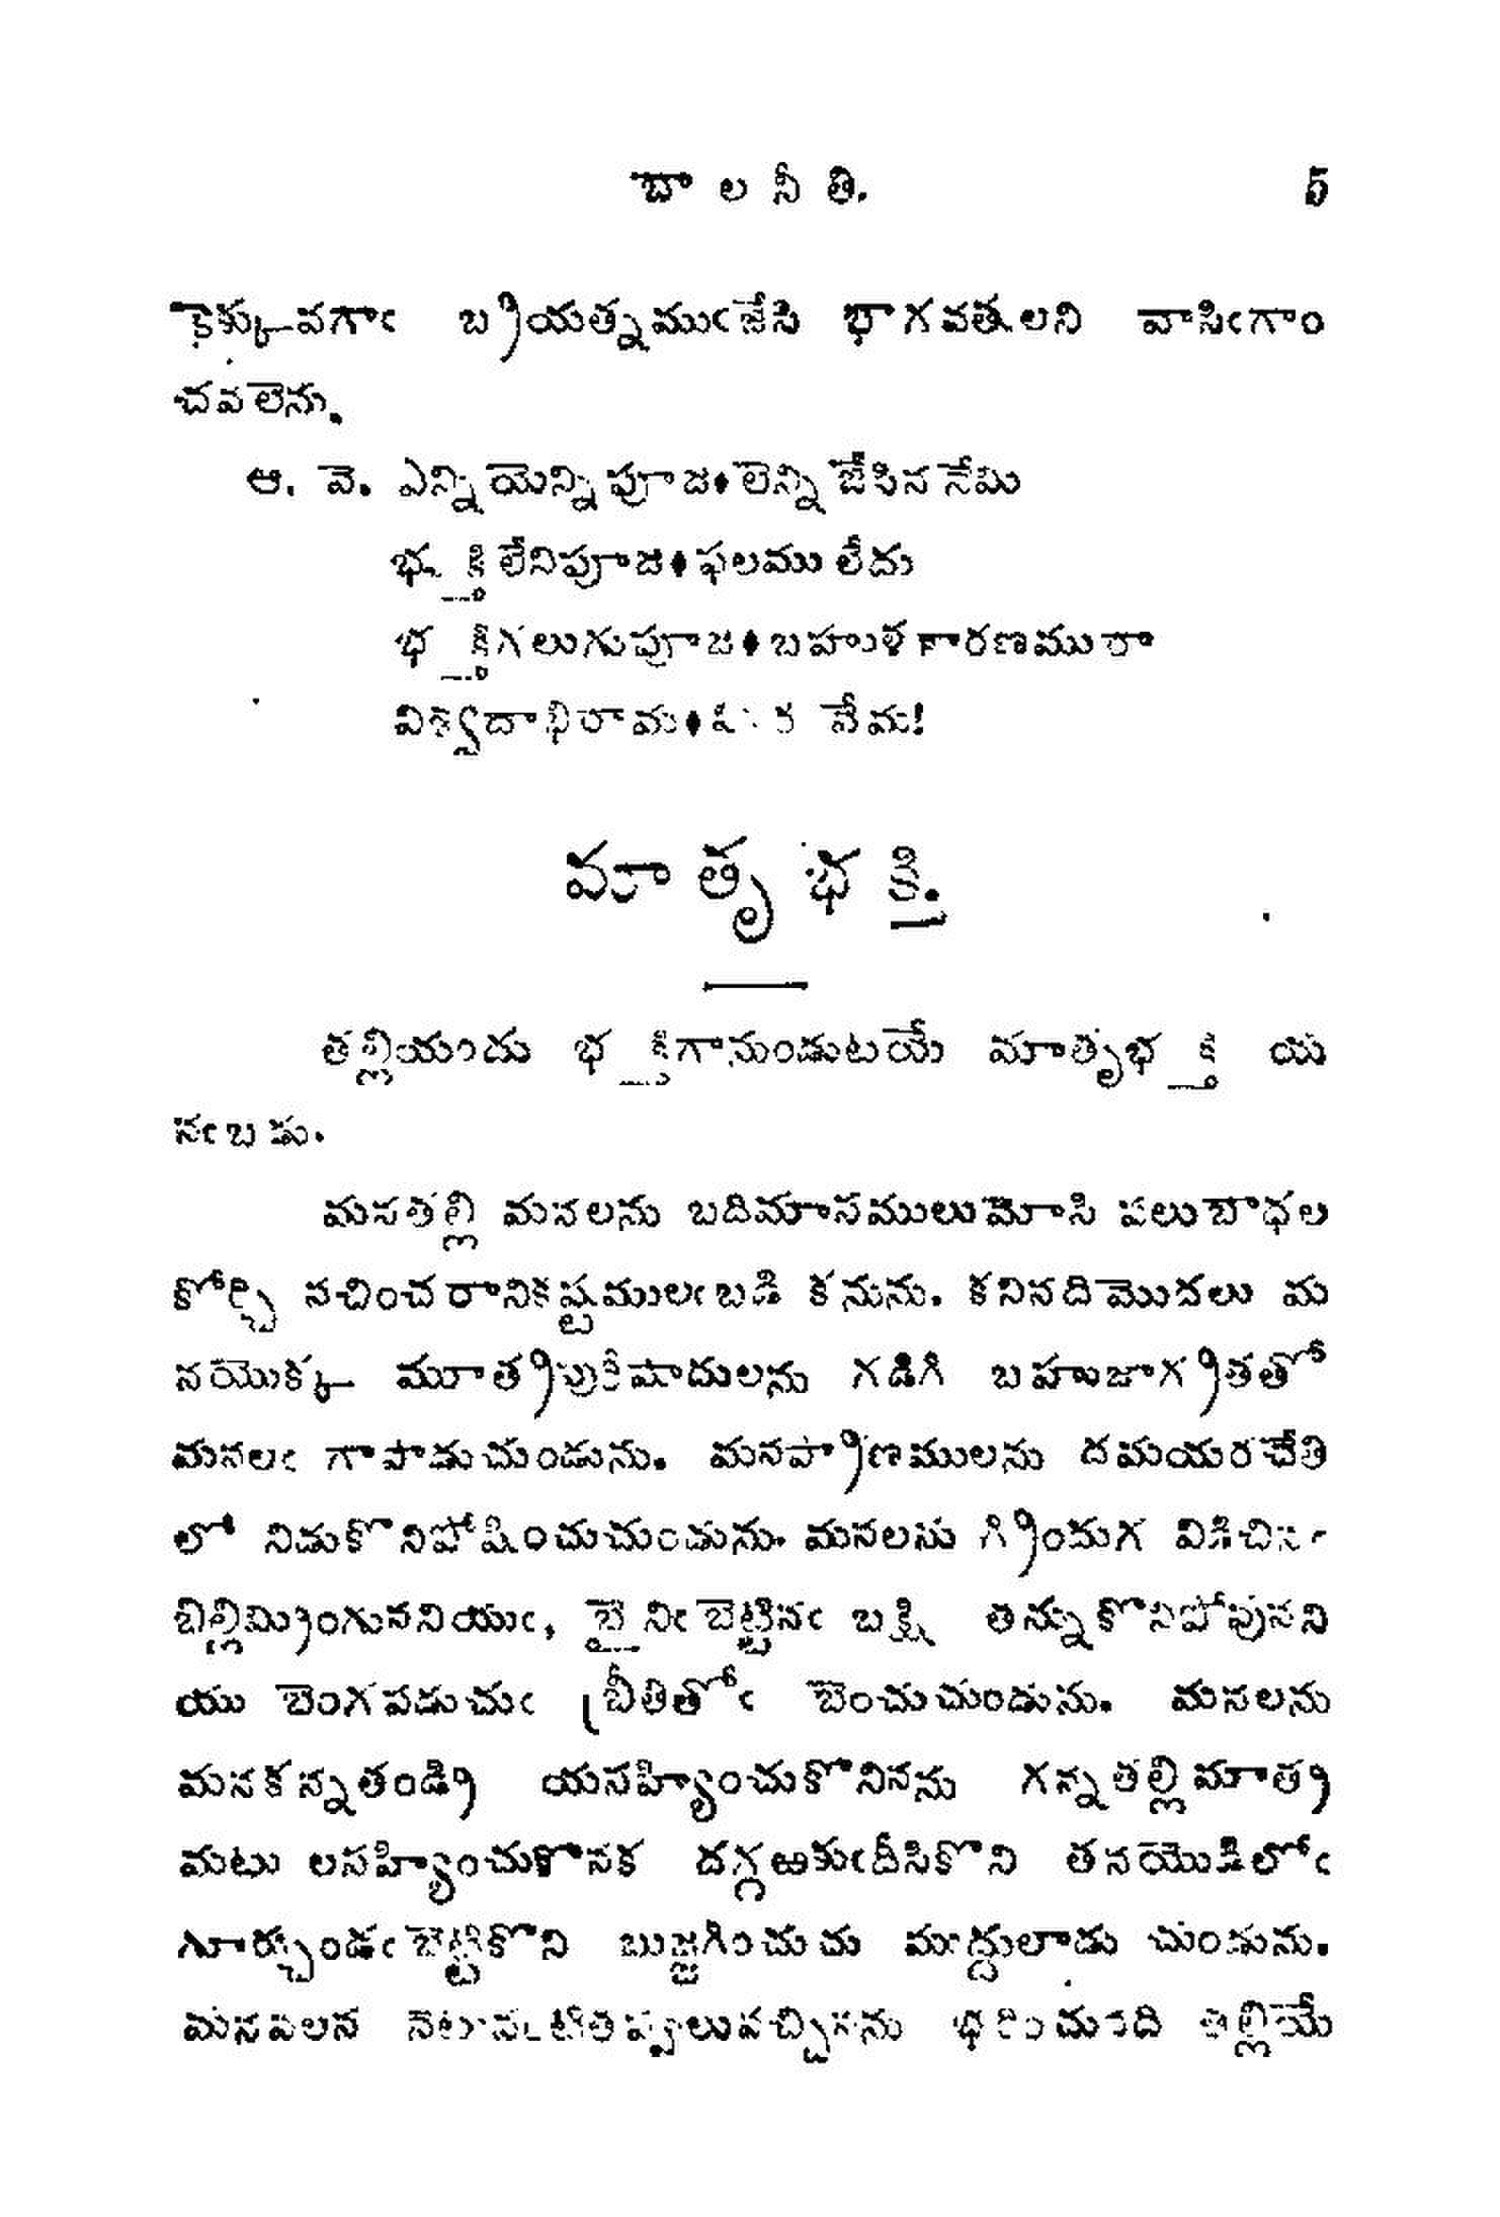కెక్కువగాఁ బ్రయత్నముఁజేసి భాగవతులని వాసిఁ గాంచవలెను.

ఆ. వె. ఎన్నియెన్నిపూజ ♦ లెన్నిజేసిననేమి
 భక్తిలేనిపూజ ♦ ఫలము లేదు
 భక్తిగలుగుపూజ ♦ బహుళ కారణమురా
 విశ్వదాబిరామ ♦ వినురవేమ!

మాతృభక్తి.

 
తల్లియందు భక్తిగా నుండుటయే మాతృభక్తి యనఁబడు.
 
మనతల్లి మనలను బదిమాసములుమోసి పలుబాధల కోర్చి వచించరాని కష్టములఁబడి కనును. కనినది మొదలు మనయొక్క మూత్రపురీషాదులను గడిగి బహుజాగ్రత్తతో మనలఁ గాపాడుచుండును. మనప్రాణములను దమయరచేతిలో నిడుకొని పోషించుచుండును. మనలను గ్రిందుగ విడిచినఁ బిల్లిమ్రింగుననియు, బైనిఁబెట్టినఁ బక్షి తన్నుకొనిపోవుననియు బెంగపడుచుఁ బ్రీతితోఁ బెంచుచుండును. మనలను మనకన్నతండ్రి యసహ్యించుకొనినను గన్నతల్లిమాత్రమటు లసహ్యించుకొనక దగ్గఱకుఁ దీసికొని తనయొడిలోఁ గూర్చుండఁబెట్టికొని బుజ్జగించుచు ముద్దులాడు చుండును. మనవలన నెటువంటితప్పులువచ్చినను భరించునది తల్లియే